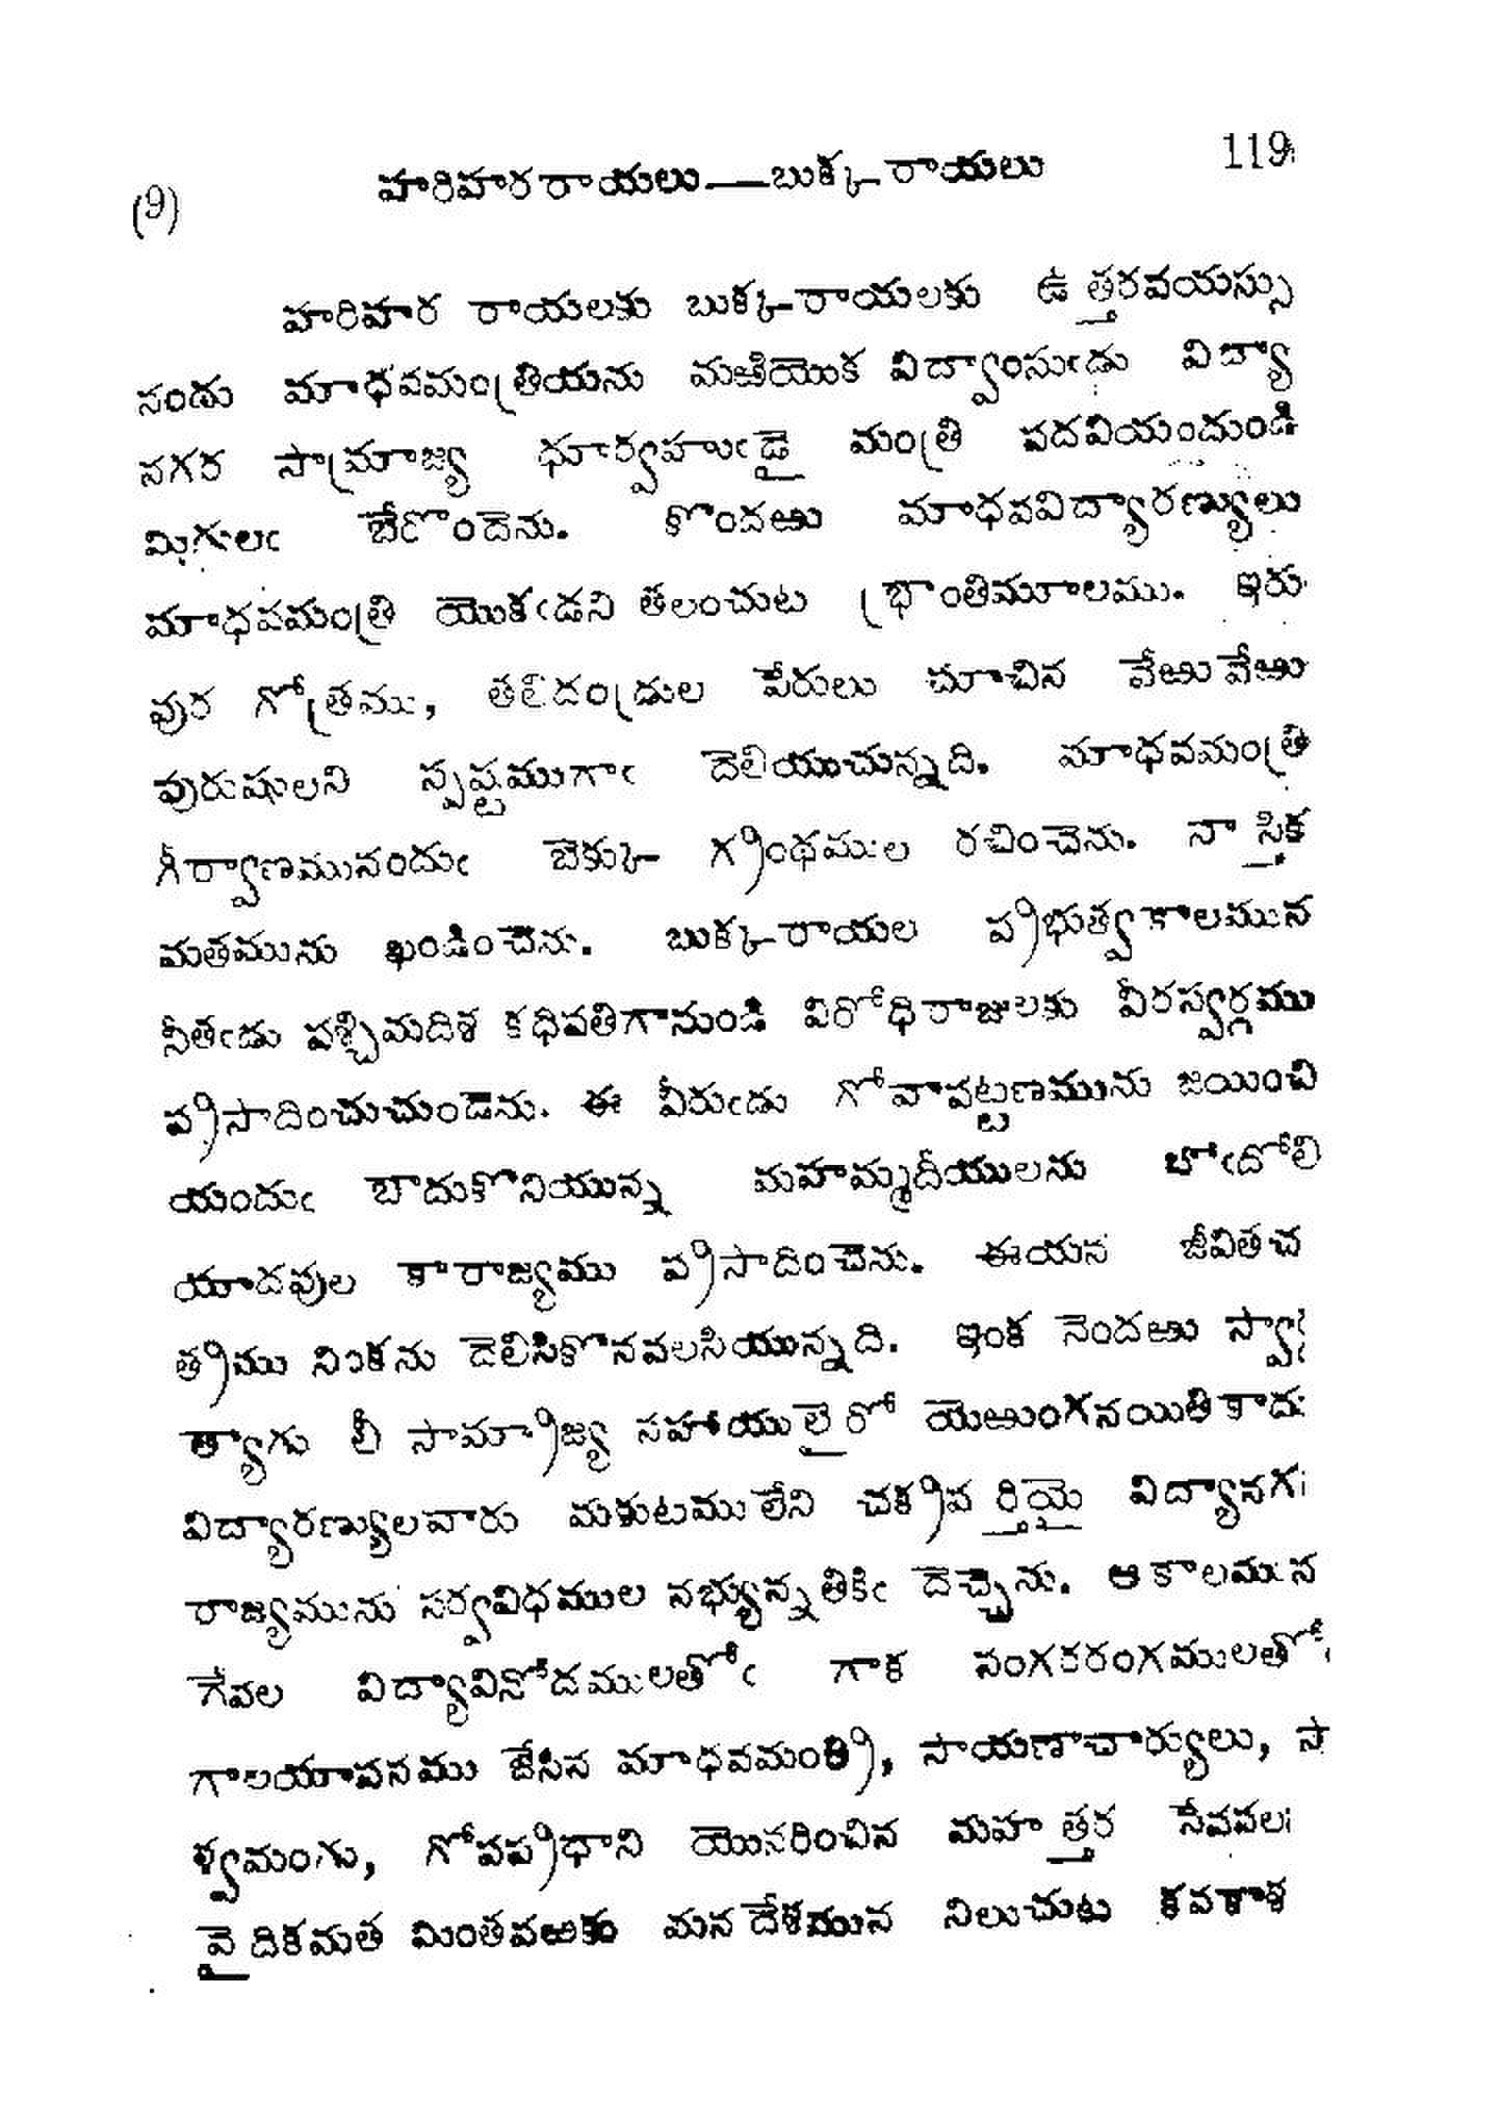హరిహర రాయలకు బుక్కరాయలకు ఉత్తరవయస్సు నందు మాధవమంత్రియను మఱియొక విద్వాంసుడు విద్యానగర సామ్రాజ్య ధూర్వహుడై మంత్రి పదవి యందుండి మిగుల బేరొందెను. కొందఱు మాధవవిద్యారణ్యులు మాధవమంత్రి యొకడని తలంచుట భ్రాంతిమూలము. ఇరువుర గోత్రము, తలిదండ్రుల పేరులు చూచిన వేఱువేఱు పురుషులని స్పష్టముగా దెలియుచున్నది. మాధవమంత్రి గీర్వాణము నందు బెక్కు గ్రంథముల రచించెను. నాస్తిక మతమును ఖండించెను. బుక్కరాయల ప్రభుత్వకాలమున నీతడు పశ్చిమదిశ కధిపతిగానుండి విరోధిరాజులకు వీరస్వర్గము ప్రసాదించు చుండెను. ఈ వీరుడు గోవాపట్టణమును జయించి యందు బాదుకొనియున్న మహమ్మదీయులను బోదోలి యాదవుల కారాజ్యము ప్రసాదించెను. ఈయన జీవిత చరిత్రము నింకను దెలిసికొనవలసి యున్నది. ఇంక నెందఱు స్వార్థత్యాగు లీ సామ్రాజ్య సహాయులైరో యెఱుంగనయితికాదు. విద్యారణ్యులవారు మకుటములేని చక్రవర్తియై విద్యానగర రాజ్యమును సర్వవిధముల నభ్యున్నతికి దెచ్చెను. ఆకాలమున గేవల విద్యావినోదములతో గాక సంగర రంగములతో గాలయాపనము జేసిన మాధవమంత్రి, సాయణాచార్యులు, సాళ్వమంగు, గోపప్రధాని యొనరొంచిన మహత్తర సేవవలనను వైదికమత మింతవఱకు మనదేశమున నిలుచుట కవకాశము